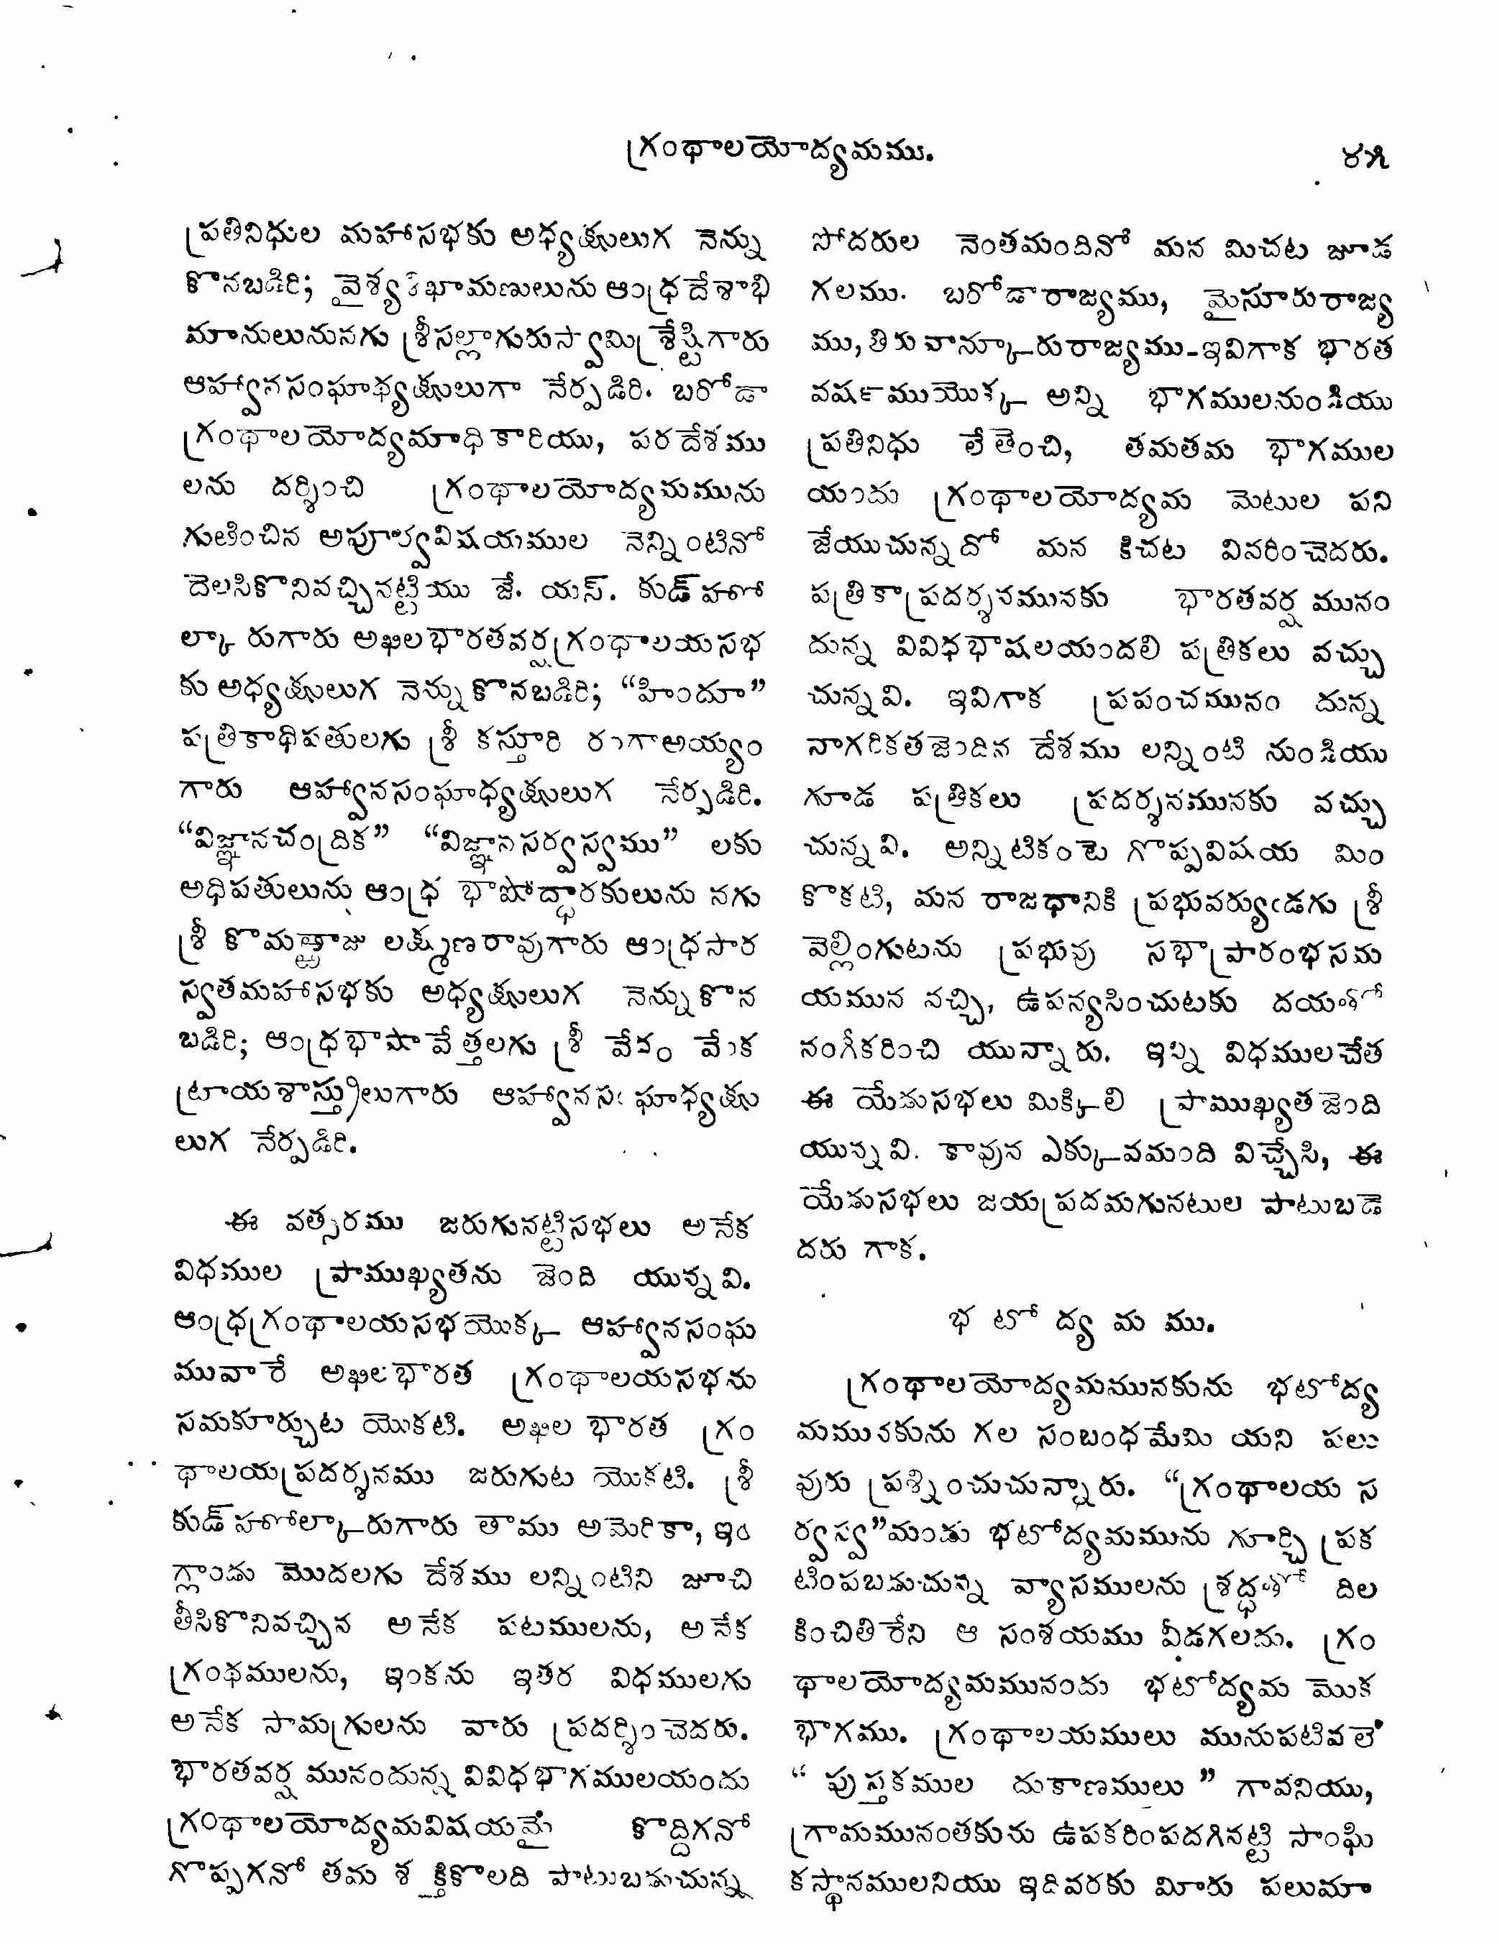ప్రతినిధుల మహాసభకు అధ్యక్షులుగు నెన్నుకొనబడిరి; వైశ్యశిఖామణులను ఆంధ్రదేశాభిమానులునునగు శ్రీసల్లాగురుస్వామి శ్రేష్టిగారు
ఆహ్వాన సంఘాధ్యక్షులుగా నేర్పడిరి. బరోడా గ్రంథాలయోద్యమాధికారియు, పరదేశములను దర్శించి గ్రంథాలయోద్యమమును
గుఱించిన అపూర్వవిషయముల నెన్నింటినో దెలసికొనివచ్చినట్టియు జే.యస్.కుడ్ హోల్కారుగారు అఖిల భారతవర్ష గ్రంధాలయ
సభకు అధ్యక్షులుగ నెన్నుకొనబడిరి; “హిందూ” పత్రికాధిపతులగు శ్రీ కస్తూరి రంగా అయ్యంగారు ఆహ్వాన సంఘాధ్యక్షులుగ నేర్పడిరి.
“విజ్ఞాన చంద్రిక” “విజ్ఞాన సర్వస్వము” లకు అధిపతులును ఆంధ్ర భాషోద్ధారకులును నగు శ్రీ కొమఱ్ఱాజు లక్ష్మణరావుగారు ఆంధ్రసార
స్వతమహాసభకు అధ్యక్షులుగ నెన్ను కొనబడిరి; ఆంధ్రభాషావేత్తలగు శ్రీ వేదం వేంకట్రాయశాస్త్రులుగారు ఆహ్వాన సంఘాధ్యక్షులుగ నేర్పడిరి.

ఈ వత్సరము జరుగునట్టి సభలు అనేక విధముల ప్రాముఖ్యతను జెందియున్నవి. ఆంధ్రగ్రంథాలయసభ యొక్క ఆహ్వాన సంఘము వారే అఖిల భారత గ్రంథాలయసభను సమకూర్చుట యొకటి. అఖిల భారత గ్రంథాలయప్రదర్శనము జరుగుట యొకటి. కుడ్ హోల్కారుగారు తాము అమెరికా, ఇంగ్లాండు మొదలగు దేశములన్నింటిని జూచి తీసికొనివచ్చిన అనేక పటములను, అనేక
గ్రంథములను, ఇంకను ఇతర విధములగు అనేక సామగ్రులను వారు ప్రదర్శించెదరు. భారతవర్ష మునందున్న వివిధ భాగములయందు
గ్రంథాలయోద్యమ విషయమై కొద్దిగనో గొప్పగనో తమ శక్తికొలది పాటుబడుచున్నర సోదరులు నెంతమందినో మన మిచట జూడ గలము. బరోడా రాజ్యము, మైసూరు రాజ్యము, తిరువాన్కూరురాజ్యము - ఇవిగాక భారతవష౯ము యొక్క అన్ని భాగములనుండియు
ప్రతినిధులే తెంచి, తమతమ భాగములయందు గ్రంథాలయోద్యమ మెటుల పని జేయుచున్నదో మన కిచట వివరించెదరు. పత్రికా ప్రదర్శనమునకు భారతవర్ష మునందున్న వివిధ భాషలయందలి పత్రికలు వచ్చుచున్నవి. ఇవిగాక ప్రపంచమునందున్న నాగరికత జెందిన దేశములన్నింటి నుండియు గూడ పత్రికలు ప్రదర్శనమునకు వచ్చుచున్నవి. అన్నిటికంటె గొప్పవిషయ మింకొకటి, మన రాజధానికి ప్రభువర్యుఁడగు శ్రీ వెల్లింగుటను ప్రభువు సభాప్రారంభ సమయమున వచ్చి, ఉపన్యసించుటకు దయతో సంగీకరించి యున్నారు. ఇన్ని విధముల చేత ఈ యేడు సభలు మిక్కిలి ప్రాముఖ్యత జెంది యున్నవి. కావున ఎక్కువమంది విచ్చేసి, ఈ యేడుసభలు జయప్రదమగునటుల పాటుబడెదరు గాక.

గ్రంథాలయోద్యమమునకును భటోద్యమమునకును గల సంబంధమేమి యని పలువురు ప్రశ్నించుచున్నారు. "గ్రంథాలయ సర్వస్వ” 
మందు భటోద్యమమును గూర్చి ప్రకటింపబడుచున్న వ్యాసములను శ్రద్ధతో దిలకించితిరేని ఆ సంశయము వీడగలదు. గ్రంథాలయోద్యమమునందు భటోద్యమమొక భాగము. గ్రంథాలయములు మునుపటివలె "పుస్తకముల దుకాణములు"గావనియు,
గ్రామమునంతకుకు ఉపకరింపదగినట్టి సాంఘికస్థానములనియు ఇదివరకు మీరు పలుమా